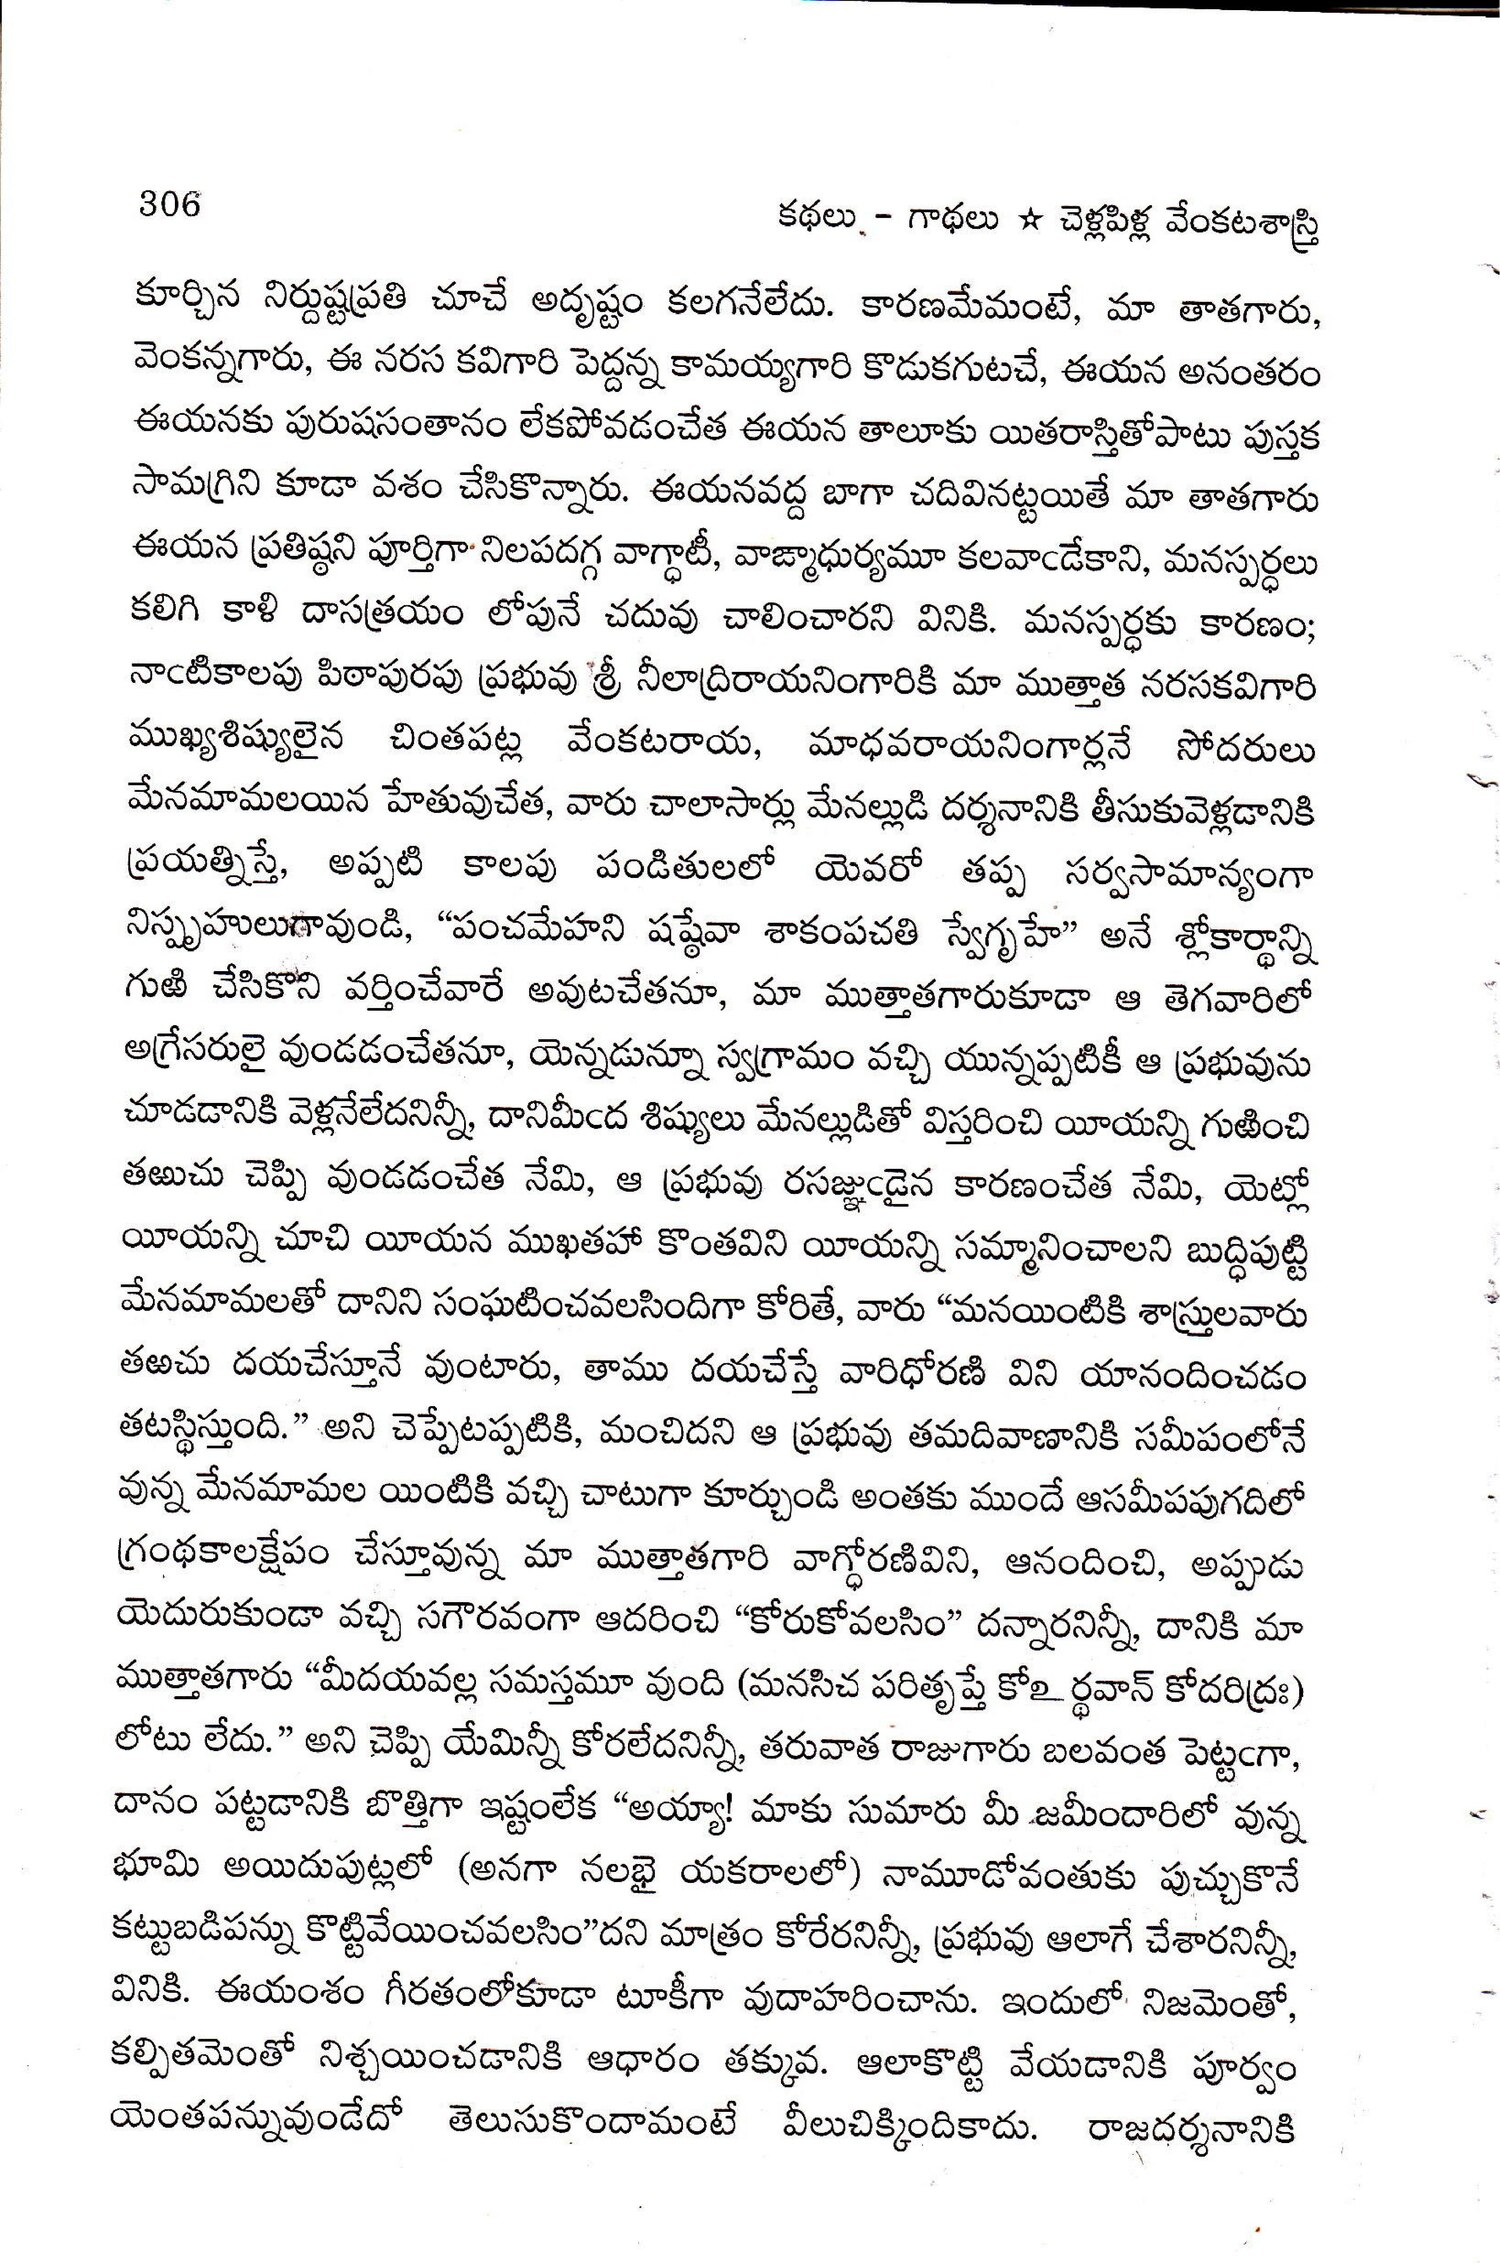కూర్చిన నిర్దుష్టప్రతి చూచే అదృష్టం కలగనేలేదు. కారణమేమంటే, మా తాతగారు, వెంకన్నగారు, ఈ నరస కవిగారి పెద్దన్న కామయ్యగారి కొడుకగుటచే, ఈయన అనంతరం ఈయనకు పురుషసంతానం లేకపోవడంచేత ఈయన తాలూకు యితరాస్తితోపాటు పుస్తక సామగ్రిని కూడా వశం చేసికొన్నారు. ఈయనవద్ద బాగా చదివినట్టయితే మా తాతగారు ఈయన ప్రతిష్ఠని పూర్తిగా నిలపదగ్గ వాగ్దాటీ, వాజ్మాధుర్యమూ కలవాఁడేకాని, మనస్పర్ధలు కలిగి కాళి దాసత్రయం లోపునే చదువు చాలించారని వినికి. మనస్పర్థకు కారణం; నాఁటికాలపు పిఠాపురపు ప్రభువు శ్రీ నీలాద్రిరాయనింగారికి మా ముత్తాత నరసకవిగారి ముఖ్యశిష్యులైన చింతపట్ల వేంకటరాయు, మాధవరాయనింగార్లనే సోదరులు మేనమామలయిన హేతువుచేత, వారు చాలాసార్లు మేనల్లుడి దర్శనానికి తీసుకువెళ్లడానికి ప్రయత్నిస్తే, అప్పటి కాలపు పండితులలో యెవరో తప్ప సర్వసామాన్యంగా నిస్పృహులుగావుండి, "పంచమేహని షష్ఠేవా శాకంపచతి స్వేగృహే” అనే శ్లోకార్ధాన్ని గుఱి చేసికొని వర్తించేవారే అవుటచేతనూ, మా ముత్తాతగారుకూడా ఆ తెగవారిలో అగ్రేసరులై వుండడంచేతనూ, యెన్నడున్నూ స్వగ్రామం వచ్చియున్నప్పటికీ ఆ ప్రభువును చూడడానికి వెళ్లనేలేదనిన్నీ దానిమీఁద శిష్యులు మేనల్లుడితో విస్తరించి యీయన్ని గుఱించి తఱుచు చెప్పి వుండడంచేత నేమి, ఆ ప్రభువు రసజ్ఞుఁడైన కారణంచేత నేమి, యెట్లో యీయన్ని చూచి యీయన ముఖతహా కొంతవిని యీయన్ని సమ్మానించాలని బుద్ధిపుట్టి మేనమామలతో దానిని సంఘటించవలసిందిగా కోరితే, వారు “మనయింటికి శాస్త్రులవారు తఱచు దయచేస్తూనే వుంటారు, తాము దయచేస్తే వారిథోరణి విని యానందించడం తటస్థిస్తుంది." అని చెప్పేటప్పటికి, మంచిదని ఆ ప్రభువు తమదివాణానికి సమీపంలోనే వున్న మేనమామల యింటికి వచ్చి చాటుగా కూర్చుండి అంతకు ముందే ఆసమీపపుగదిలో గ్రంథకాలక్షేపం చేస్తూవున్న మా ముత్తాతగారి వాగ్ధోరణివిని, ఆనందించి, అప్పుడు యెదురుకుండా వచ్చి సగౌరవంగా ఆదరించి “కోరుకోవలసిం” దన్నారనిన్నీ దానికి మూ ముత్తాతగారు “మీదయవల్ల సమస్తమూ వుంది (మనసిచ పరితృప్తే కోஉర్థవాన్ కోదరిద్రః) లోటు లేదు.” అని చెప్పి యేమిన్నీ కోరలేదనిన్నీ తరువాత రాజుగారు బలవంత పెట్టఁగా, దానం పట్టడానికి బొత్తిగా ఇష్టంలేక "అయ్యా! మాకు సుమారు మీ జమీందారిలో వున్న భూమి అయిదుపుట్లలో (అనగా నలభై యకరాలలో) నామూడోవంతుకు పుచ్చుకొనే కట్టుబడిపన్ను కొట్టివేయించవలసిం"దని మాత్రం కోరేరనిన్నీ ప్రభువు ఆలాగే చేశారనిన్నీ వినికి. ఈయంశం గీరతంలోకూడా టూకీగా వుదాహరించాను. ఇందులో నిజమెంతో, కల్పితమెంతో నిశ్చయించడానికి ఆధారం తక్కువ. ఆలాకొట్టి వేయడానికి పూర్వం యెంతపన్నువుండేదో తెలుసుకొందామంటే వీలుచిక్కిందికాదు. రాజదర్శనానికి